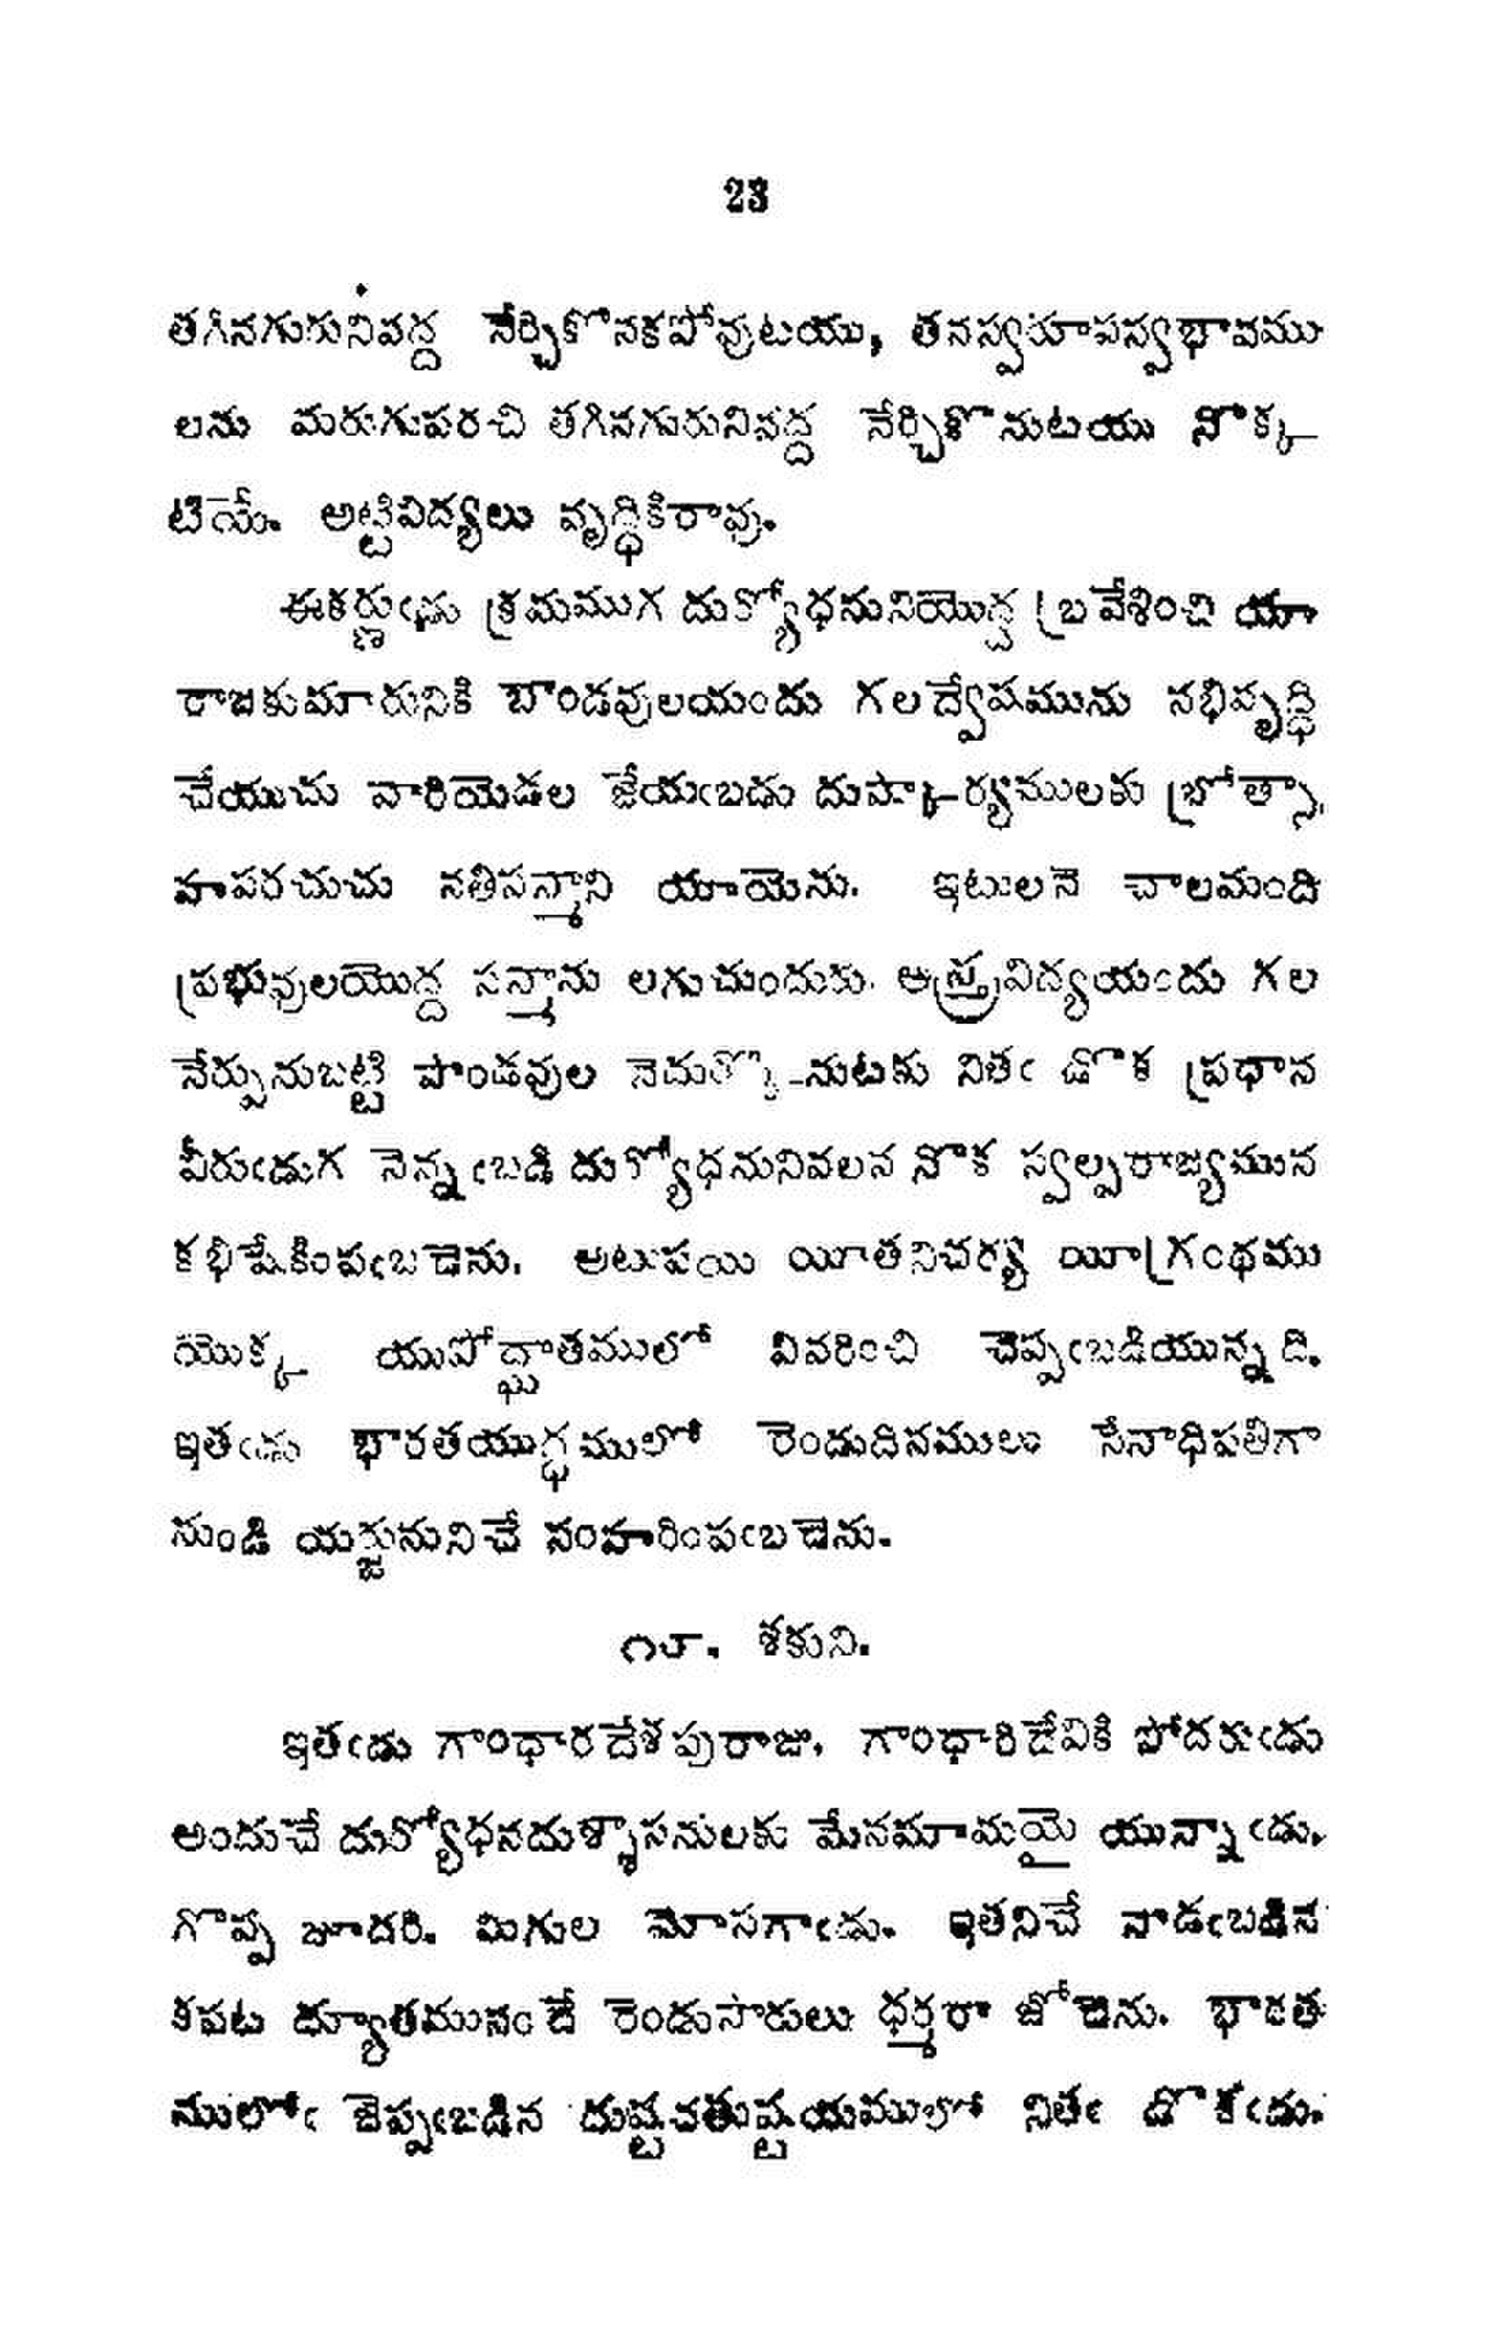తగినగురునివద్ద నేర్చికొనకపోవుటయు, తనస్వరూపస్వభావములను మరుగుపరచి తగినగురునివద్ద నేర్చికొనుటయు నొక్కటియే. అట్టివిద్యలు వృద్ధికిరావు.

ఈకర్ణుఁడు క్రమముగ దుర్యోధనునియొద్ద బ్రవేశించి యా రాజకుమారునికి బాండవులయందు గలద్వేషమును సభివృద్ధి చేయుచు వారియెడల జేయఁబడు దుష్కార్యములకు బ్రోత్సాహపరచుచు నతసన్మాని యాయెను. ఇటులనె చాలమంది ప్రభువులయొద్ద సన్మాను లగుచుందురు. అస్త్రవిద్యయందు గల నేర్పునుబట్టి పాండవుల నెదుర్కొనుటకు నితఁ డొక ప్రధాన వీరుఁడుగ నెన్నఁబడి దుర్యోధనునివలన నొక స్వల్పరాజ్యమున కభిషేకింపఁబడెను. అటుపయి యీతనిచర్య యీగ్రంథము యొక్క యుపోద్ఘాతములో వివరించి చెప్పఁబడియున్నది. ఇతఁడు భారతయుద్ధములో రెండుదినములు సేనాధిపతిగా నుండి యర్జునునిచే సంహరింపఁబడెను.

ఇతఁడు గాంధారదేశపురాజు, గాంధారిదేవికి సోదరుఁడు అందుచే దుర్యోధనదుశ్శాసనులకు మేనమామయై యున్నాఁడు. గొప్ప జూదరి. మిగుల మోసగాడు. ఇతనిచే నాడఁబడిన కపట ద్యూతమునందే రెండుసారులు ధర్మరా జోడెను. భారతములోఁ జెప్పఁబడిన దుష్టచతుష్టయములో నితఁ డొకఁడు.